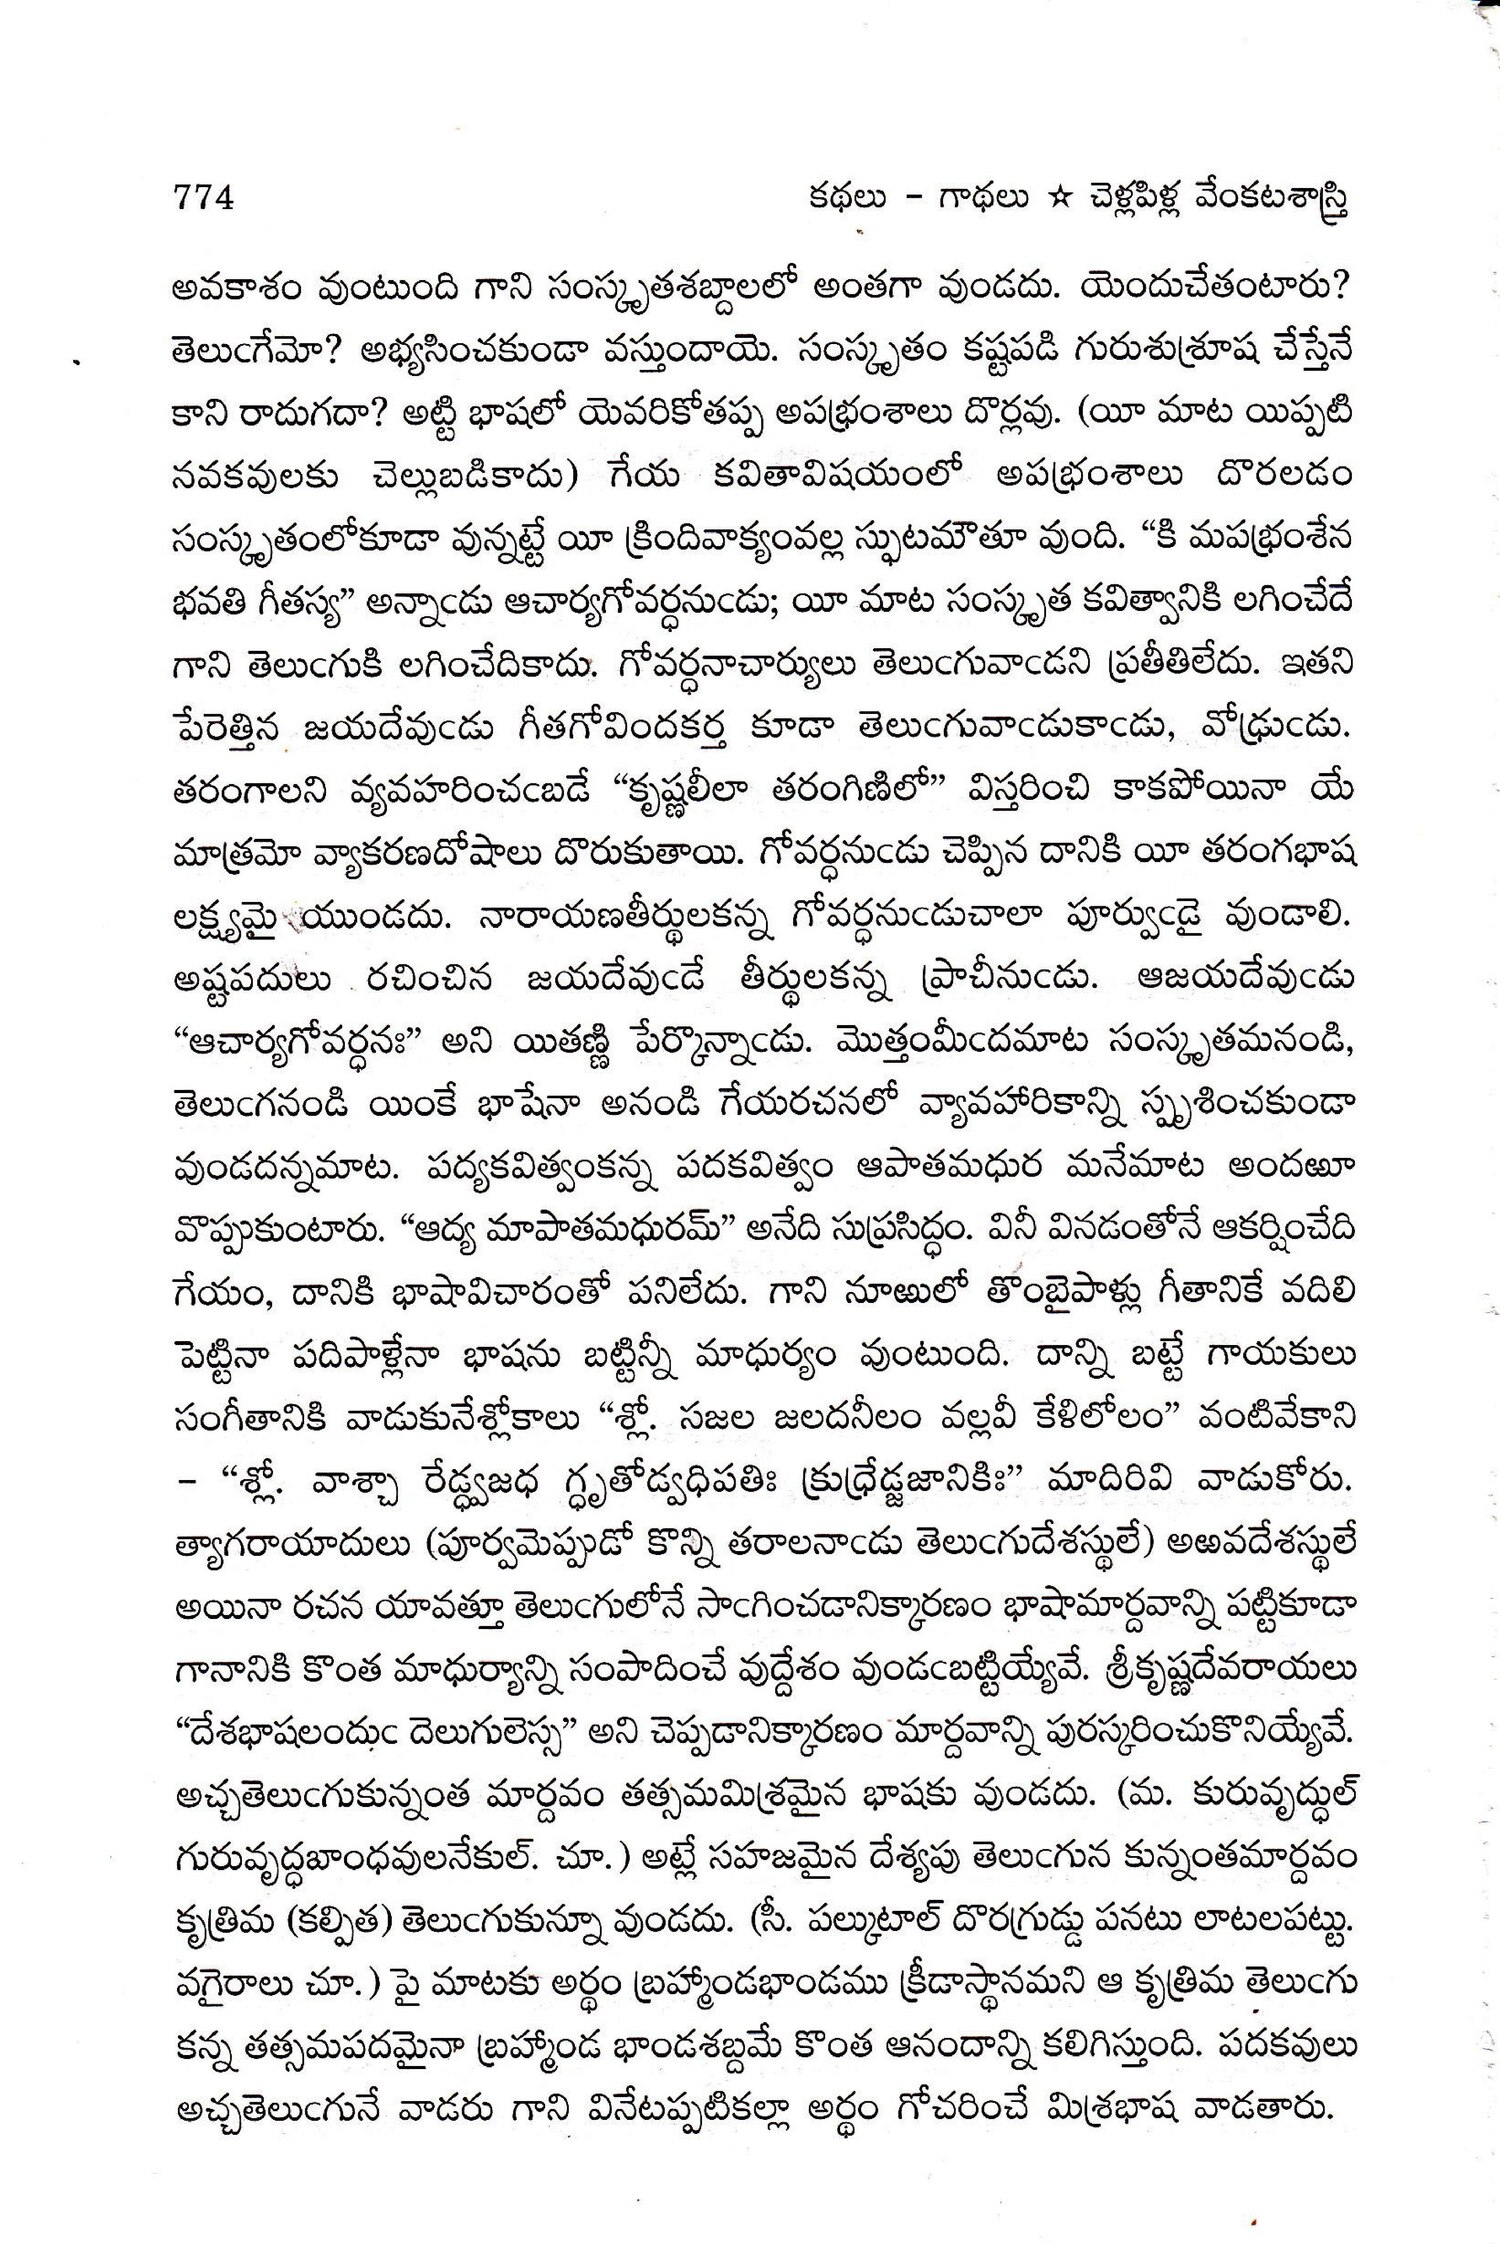అవకాశం వుంటుంది గాని సంస్కృతశబ్దాలలో అంతగా వుండదు. యెందుచేతంటారు? తెలుఁగేమో? అభ్యసించకుండా వస్తుందాయె. సంస్కృతం కష్టపడి గురుశుశ్రూష చేస్తేనే కాని రాదుగదా? అట్టి భాషలో యెవరికోతప్ప అపభ్రంశాలు దొర్లవు. (యీ మాట యిప్పటి నవకవులకు చెల్లుబడికాదు) గేయ కవితావిషయంలో అపభ్రంశాలు దొరలడం సంస్కృతంలోకూడా వున్నట్టే యీ క్రిందివాక్యంవల్ల స్ఫుటమౌతూ వుంది. "కి మపభ్రంశేన భవతి గీతస్య" అన్నాఁడు ఆచార్యగోవర్ధనుఁడు; యీ మాట సంస్కృత కవిత్వానికి లగించేదే గాని తెలుఁగుకి లగించేదికాదు. గోవర్ధనాచార్యులు తెలుఁగువాఁడని ప్రతీతిలేదు. ఇతని పేరెత్తిన జయదేవుఁడు గీతగోవిందకర్త కూడా తెలుఁగువాఁడుకాఁడు, వోడ్రుఁడు. తరంగాలని వ్యవహరించంబడే "కృష్ణలీలా తరంగిణిలో" విస్తరించి కాకపోయినా యే మాత్రమో వ్యాకరణదోషాలు దొరుకుతాయి. గోవర్ధనుఁడు చెప్పిన దానికి యీ తరంగభాష లక్ష్యమై యుండదు. నారాయణతీర్థులకన్న గోవర్ధనుఁడుచాలా పూర్వుఁడై వుండాలి. అష్టపదులు రచించిన జయదేవుఁడే తీర్థులకన్న ప్రాచీనుఁడు. ఆజయదేవుఁడు "ఆచార్యగోవర్ధనః" అని యితణ్ణి పేర్కొన్నాఁడు. మొత్తంమీఁదమాట సంస్కృతమనండి, తెలుఁగనండి యింకే భాషేనా అనండి గేయరచనలో వ్యావహారికాన్ని స్పృశించకుండా వుండదన్నమాట. పద్యకవిత్వంకన్న పదకవిత్వం ఆపాతమధుర మనేమాట అందఱూ వొప్పుకుంటారు. “ఆద్య మాపాతమధురమ్” అనేది సుప్రసిద్ధం. వినీ వినడంతోనే ఆకర్షించేది గేయం, దానికి భాషావిచారంతో పనిలేదు. గాని నూఱులో తొంబైపాళ్లు గీతానికే వదిలి పెట్టినా పదిపాళ్లేనా భాషను బట్టిన్నీ మాధుర్యం వుంటుంది. దాన్ని బట్టే గాయకులు సంగీతానికి వాడుకునేశ్లోకాలు “శ్లో సజల జలదనీలం వల్లవీ కేళిలోలం” వంటివేకాని - "శ్లో వాశ్చా రేడ్ధ్వజధ గ్ధృతోడ్వధిపతిః క్రుద్రేడ్జజానికిః” మాదిరివి వాడుకోరు. త్యాగరాయాదులు (పూర్వమెప్పుడో కొన్ని తరాలనాఁడు తెలుఁగుదేశస్థులే) అఱవదేశస్థులే అయినా రచన యావత్తూ తెలుఁగులోనే సాఁగించడానిక్కారణం భాషామార్దవాన్ని పట్టికూడా గానానికి కొంత మాధుర్యాన్ని సంపాదించే వుద్దేశం వుండఁబట్టియ్యేవే. శ్రీకృష్ణదేవరాయలు “దేశభాషలందుఁ దెలుగులెస్స" అని చెప్పడానిక్కారణం మార్దవాన్ని పురస్కరించుకొనియ్యేవే. అచ్చతెలుఁగుకున్నంత మార్దవం తత్సమమిశ్రమైన భాషకు వుండదు. (మ. కురువృద్దుల్ గురువృద్ధబాంధవులనేకుల్ చూ.) అట్లే సహజమైన దేశ్యపు తెలుఁగున కున్నంతమార్దవం కృత్రిమ (కల్పిత) తెలుఁగుకున్నూ వుండదు. (సీ. పల్కుటాల్ దొరగ్రుడ్డు పనటు లాటలపట్టు. వగైరాలు చూ.) పై మాటకు అర్థం బ్రహ్మాండభాండము క్రీడాస్థానమని ఆ కృత్రిమ తెలుఁగు కన్న తత్సమపదమైనా బ్రహ్మాండ భాండశబ్దమే కొంత ఆనందాన్ని కలిగిస్తుంది. పదకవులు అచ్చతెలుఁగునే వాడరు గాని వినేటప్పటికల్లా అర్థం గోచరించే మిశ్రభాష వాడతారు.